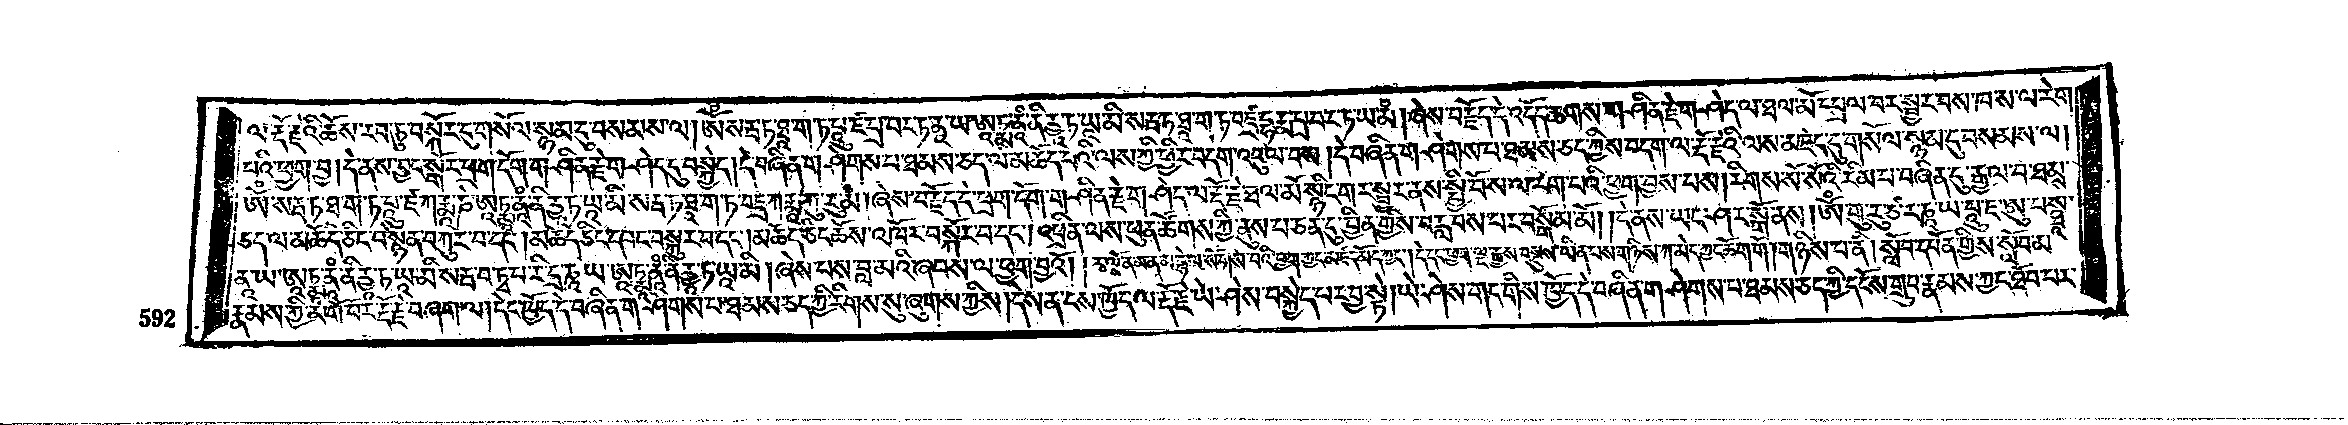ལ་རྡོ་རྗེའི་ཆོས་རབ་ཏུ་བསྐོར་དུ་གསོལ་སྙམ་དུ་བསམས་ལ། ཨོཾ་སརྦ་ཏ་ཐཱ་ག་ཏ་པཱུ་ཛ་པྲ་བར་ཏ་ནཱ་ཡ་ཨཱཏྨཱ་ནཱི་ནི་རྱཱ་ཏ་ཡཱ་མི་སརྦ་ཏ་ཐཱ་ག་ཏ་བཛྲ་དྷརྨ་པྲ་བར་ཏ་ཡ་མཾ། ཞེས་བརྗོད་དེ་འདོད་ཆགས་གཤིན་རྗེ་གཤེད་ལ་ཐལ་མོ་དཔྲལ་བར་སྦྱར་བས་ཁ་ས་ལ་རེག་
པའི་ཕྱག་བྱ། དེ་ནས་བྱང་སྒོར་ཕྲག་དོག་གཤིན་རྗེ་གཤེད་དུ་བསྐྱེད། དེ་བཞིན་གཤེགས་པ་ཐམས་ཅད་ལ་མཆོད་པའི་ལས་ཀྱི་ཕྱིར་བདག་འབུལ་བས། དེ་བཞིན་གཤེགས་པ་ཐམས་ཅད་ཀྱིས་བདག་ལ་རྡོ་རྗེའི་ལས་མཛད་དུ་གསོལ་སྙམ་དུ་བསམས་ལ།
ཨོཾ་སརྦ་ཏ་ཐཱ་ག་ཏ་པཱུ་ཛ་ཀརྨཱ་ཎེ་ཨཱཏྨཱ་ནཱཾ་ནི་རྱཱ་ཏ་ཡཱ་མི་སརྦ་ཏ་ཐཱ་ག་ཏ་བཛྲ་ཀརྨཱ་ཀུ་རུ་མཾ། ཞེས་བརྗོད་དེ་ཕྲག་དོག་གཤིན་རྗེ་གཤེད་ལ་རྡོ་རྗེ་ཐལ་མོ་སྙིང་གར་སྦྱར་ནས་སྤྱི་བོ་ས་ལ་རེག་པའི་ཕྱག་བྱས་པས། རིགས་སོ་སོའི་རིམ་པ་བཞིན་དུ་རྒྱལ་བ་ཐམས་
ཅད་ལ་མཆོད་ཅིང་བསྙེན་བཀུར་བ་དང་། མཆོད་ཅིང་དབང་བསྐུར་བ་དང་། མཆོད་ཅིང་ཆོས་འཁོར་བསྐོར་བ་དང་། འཕྲིན་ལས་ཕུན་ཚོགས་ཀྱི་ནུས་པ་ཅན་དུ་བྱིན་གྱིས་བརླབས་པར་བསྒོམ་མོ། །དེ་ནས་ཡང་ཤར་སྒོ་ནས། ཨོཾ་གུ་རུ་ཙ་ར་ཎཱ་ཡ་པཱུ་ཛ་ཨུ་པསྠཱ་
ནཱ་ཡ་ཨཱཏྨཱ་ནཱཾ་ནི་རྱཱ་ཏ་ཡཱ་མི་སརྦ་བ་ཏྭ་པ་རི་དྲ་ཎཱ་ཡ་ཨཱཏྨཱ་ནཱཾ་ནི་རྱཱ་ཏ་ཡཱ་མི། ཞེས་པས་བླ་མའི་ཞབས་ལ་ཕྱག་བྱའོ། །རྭ་ལོས་?་ན་མན་མ་དྷེ་ལ་སོགས་པའི་ཕྱག་ཀྱང་མཛད་མོད་ཀྱང་། དེ་དང་ཕྱག་ལྔ་རྒྱས་བསྡུས་ཡིན་པས་གཉིས་ཀ་མེད་ཀྱང་ཆོག་གོ།  གཉིས་པ་ནི། སློབ་དཔོན་གྱིས་སློབ་མ་
རྣམས་ཀྱི་མགོ་བོར་རྡོ་རྗེ་བཞག་ལ། དེང་ཁྱོད་དེ་བཞིན་གཤེགས་པ་ཐམས་ཅད་ཀྱི་རིགས་སུ་ཞུགས་ཀྱིས། དེས་ན་ངས་ཁྱོད་ལ་རྡོ་རྗེ་ཡེ་ཤེས་བསྐྱེད་པར་བྱ་སྟེ། ཡེ་ཤེས་གང་གིས་ཁྱོད་དེ་བཞིན་གཤེགས་པ་ཐམས་ཅད་ཀྱི་དངོས་གྲུབ་རྣམས་ཀྱང་ཐོབ་པར་